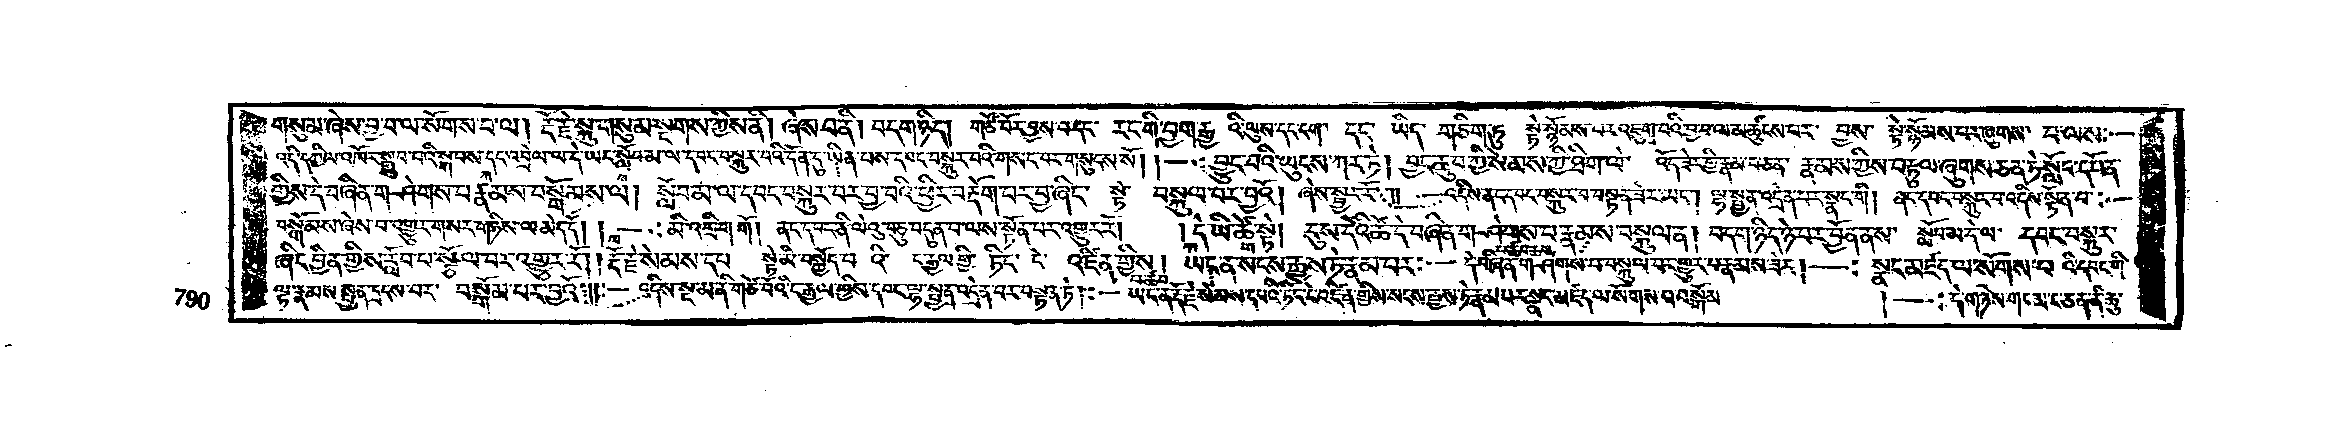གསུམ་ཞེས་བྱ་བ་ལ་སོགས་པ་ལ། རྡོ་རྗེ་སྐུ་གསུམ་སྔགས་ཀྱིས་ནི། ཞེས་པ་ནི། བདག་ཉིད་གཙོ་བོར་བྱས་པ་དང་རང་གི་ཕྱག་རྒྱའི་ལུས་དང་ངག་དང་ཡིད་གཅིག་ཏུ་སྟེ་སྙོམས་པར་འཇུག་པའི་བྱ་བ་ལ་མཚུངས་པར་བྱས་སྟེ་སྙོམས་པར་ཞུགས་པ་ལས་H.
འདི་དཀྱིལ་འཁོར་སྒྲུབ་པའི་སྐབས་དང་འབྲེལ་ལ་དེ་ཡང་སློབ་མ་ལ་དབང་བསྐུར་བའི་དོན་ཏུ་ཡིན་པས་དབང་བསྐུར་བའི་གསང་བར་གསུངས་སོ།། .H བྱུང་བའི་ཡུངས་ཀར་ཏེ། བྱང་ཆུབ་ཀྱི་སེམས་ཀྱི་ཐིག་ལེ་འོད་ཟེར་གྱི་རྣམ་པ་ཅན་རྣམས་ཀྱིས་བརྟུལ་ཞུགས་ཅན་ཏེ་སློབ་དཔོན་
གྱིས་དེ་བཞིན་གཤེགས་པ་ཀ྄་རྣམས་བསྒོམས་ཁ྄་ལ། སློབ་མ་ལ་དབང་བསྐུར་བར་བྱ་བའི་ཕྱིར་བརྡེག་པར་བྱ་ཞིང་སྟེ་བསྐུལ་བར་བྱའོ། ཞེས་སྦྱར་རོ།། H.་འདིས་ནང་དབང་བསྐུར་བ་བསྟན་ཟེར་ཡང་། ལྷ་སྤྱན་འདྲེན་པར་སྣང་གི། ནང་དབང་བསྐུར་བ་འདིས་སྟོན་པ་H.
བསྒོམས་ཞེས་པ་འགྱུར་གསར་གཉིས་ལ་མེད་དོ།། .H མི་འགྲིག་གོ །ནང་དབང་ནི་ལེའུ་བཅུ་བདུན་པ་ལས་སྟོན་པར་འགྱུར་རོ། །དེ་ཡི་ཚེ་སྟེ། དུས་དེའི་ཚེ་དེ་བཞིན་གཤེགས་པ་རྣམས་བསྐུལ་ན། བདག་ཉིད་ཉེ་བར་བྱོན་ནས་སློབ་མ་དེ་ལ་དབང་བསྐུར་
ཞིང་བྱིན་གྱིས་རློབ་པ་སྩོལ་བར་འགྱུར་རོ། །ཁ྄་རྡོ་རྗེ་སེམས་དཔ་སྟེ་མི་བསྐྱོད་པའི་ང་རྒྱལ་གྱི་ཏིང་ངེ་འཛིན་གྱིས། ཀ྄་ཡང་ན་ག྄་སངས་རྒྱས་ཏེ་རྣམ་པར་H.་དེ་བཞིན་པ་ཚབ་ཆག་གཤེགས་པ་བསྐུལ་བར་གྱུར་པ་རྣམས་ཟེར། .H སྣང་མཛད་ལ་སོགས་པའི་དབང་གི་
ལྷ་རྣམས་སྤྱན་དྲངས་པར་བསྒོམ་པར་བྱའོ།། H.་འདིས་སྔ་མ་ནི་གཙོ་བོའི་ང་རྒྱལ་གྱིས་དབང་ལྷ་སྤྱན་འདྲེན་པར་བསྟན་ཏེ་H.་པ་ཚབ་ཡང་ན་རྡོ་རྗེ་སེམས་དཔའི་ཏིང་ངེ་འཛིན་གྱིས་སངས་རྒྱས་ཏེ་རྣམ་པར་སྣང་མཛད་ལ་སོགས་པ་བསྒོམ་ཏེ་བསམ་པར་བྱའོ་ཟེར། .H དེ་གཉིས་གདམ་ང་ཅན་ནི་ཆུ་